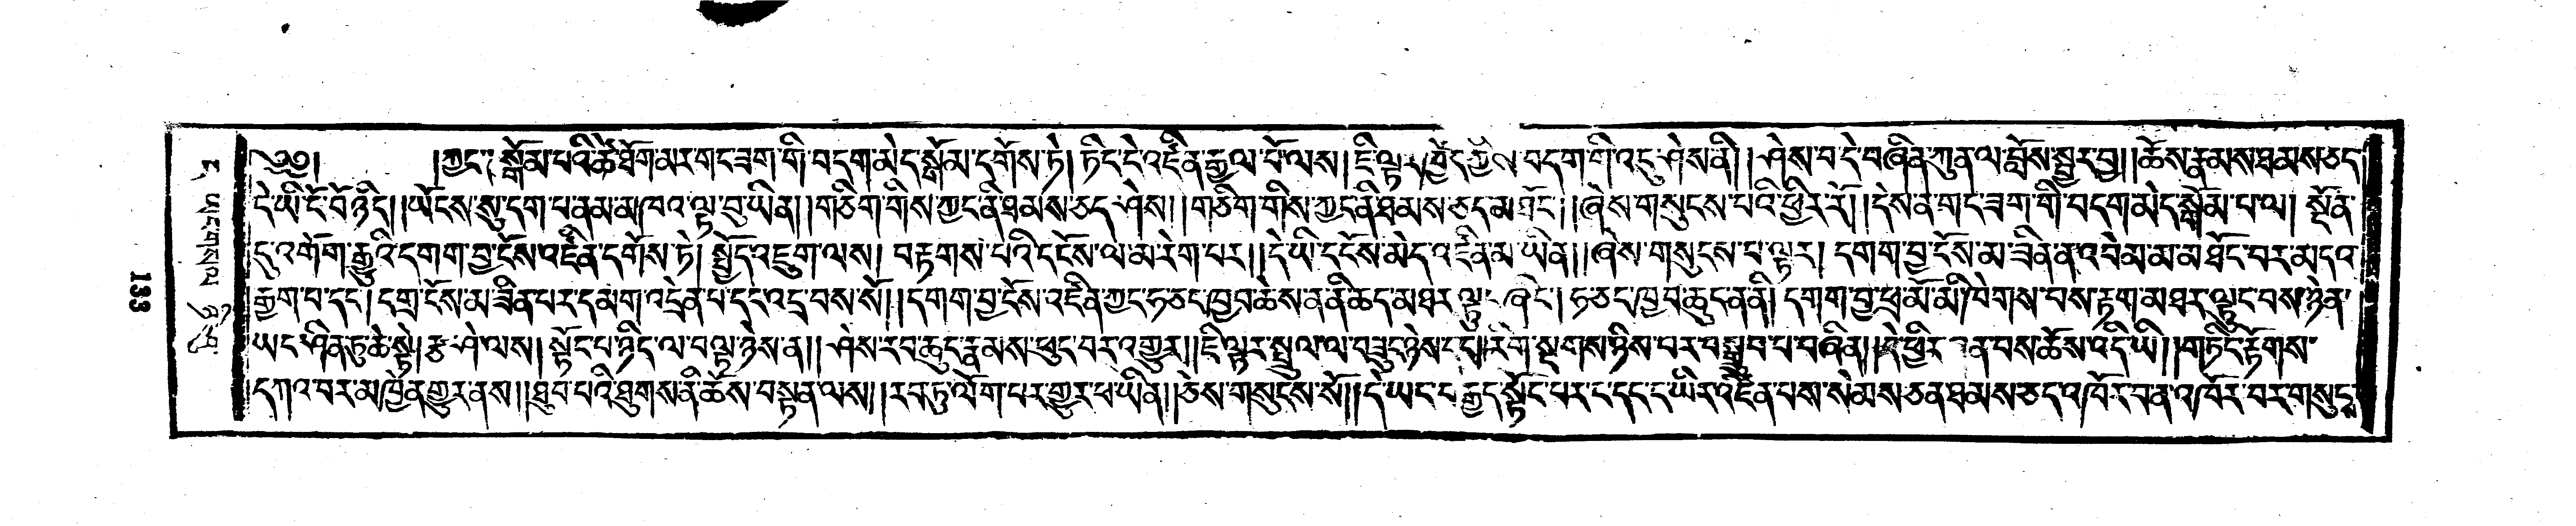༄༅། །ཀྱང་། སྒོམ་པའི་ཚེ་ཐོག་མར་གང་ཟག་གི་བདག་མེད་སྒོམ་དགོས་ཏེ། ཏིང་ངེ་འཛིན་རྒྱལ་པོ་ལས། ཇི་ལྟར་ཁྱོད་ཀྱིས་བདག་གི་འདུ་ཤེས་ནི། །ཤེས་པ་དེ་བཞིན་ཀུན་ལ་བློས་སྦྱར་བྱ། །ཆོས་རྣམས་ཐམས་ཅད་
དེ་ཡི་ངོ་བོ་ཉིད། །ཡོངས་སུ་དག་པ་ནམ་མཁའ་ལྟ་བུ་ཡིན། །གཅིག་གིས་ཀྱང་ནི་ཐམས་ཅད་ཤེས། །གཅིག་གིས་ཀྱང་ནི་ཐམས་ཅད་མཐོང་། །ཞེས་གསུངས་པའི་ཕྱིར་རོ། །དེས་ན་གང་ཟག་གི་བདག་མེད་སྒོམ་པ་ལ། སྔོན་
དུ་འགོག་རྒྱུའི་དགག་བྱ་ངོས་འཛིན་དགོས་ཏེ། སྤྱོད་འཇུག་ལས། བརྟགས་པའི་དངོས་ལ་མ་རེག་པར། །དེ་ཡི་དངོས་མེད་འཛིན་མ་ཡིན། །ཞེས་གསུངས་པ་ལྟར། དགག་བྱ་ངོས་མ་ཟིན་ན་འབེམ་མ་མཐོང་བར་མདའ་
རྒྱག་པ་དང་། དགྲ་ངོས་མ་ཟིན་པར་དམག་འདྲེན་པ་དང་འདྲ་བས་སོ། །དགག་བྱ་ངོས་འཛིན་ཀྱང་ཧ་ཅང་ཁྱབ་ཆེས་ན་ནི་ཆད་མཐར་ལྟུང་ཞིང་། ཧ་ཅང་ཁྱབ་ཆུང་ན་ནི། དགག་བྱ་ཕྲ་མོ་མི་ཁེགས་པས་རྟག་མཐར་ལྟུང་བས་ཉེན་
ཡང་ཤིན་ཏུ་ཆེ་སྟེ། རྩ་ཤེ་ལས། སྟོང་པ་ཉིད་ལ་བལྟ་ཉེས་ན། །ཤེས་རབ་ཆུང་རྣམས་ཕུང་བར་འགྱུར། །ཇི་ལྟར་སྦྲུལ་ལ་བཟུང་ཉེས་དང་། །རིག་སྔགས་ཉིས་པར་བསྒྲུབ་པ་བཞིན། །དེ་ཕྱིར་ཞན་པས་ཆོས་འདི་ཡི། །གཏིང་རྟོགས་
དཀའ་བར་མཁྱེན་གྱུར་ནས། །ཐུབ་པའི་ཐུགས་ནི་ཆོས་བསྟན་ལས། །རབ་ཏུ་ལོག་པར་གྱུར་པ་ཡིན། །ཅེས་གསུངས་སོ། །དེ་ཡང་བརྒྱད་སྟོང་པར་ང་དང་ང་ཡིར་འཛིན་པས་སེམས་ཅན་ཐམས་ཅད་འཁོར་བ་ན་འཁོར་བར་གསུངས་